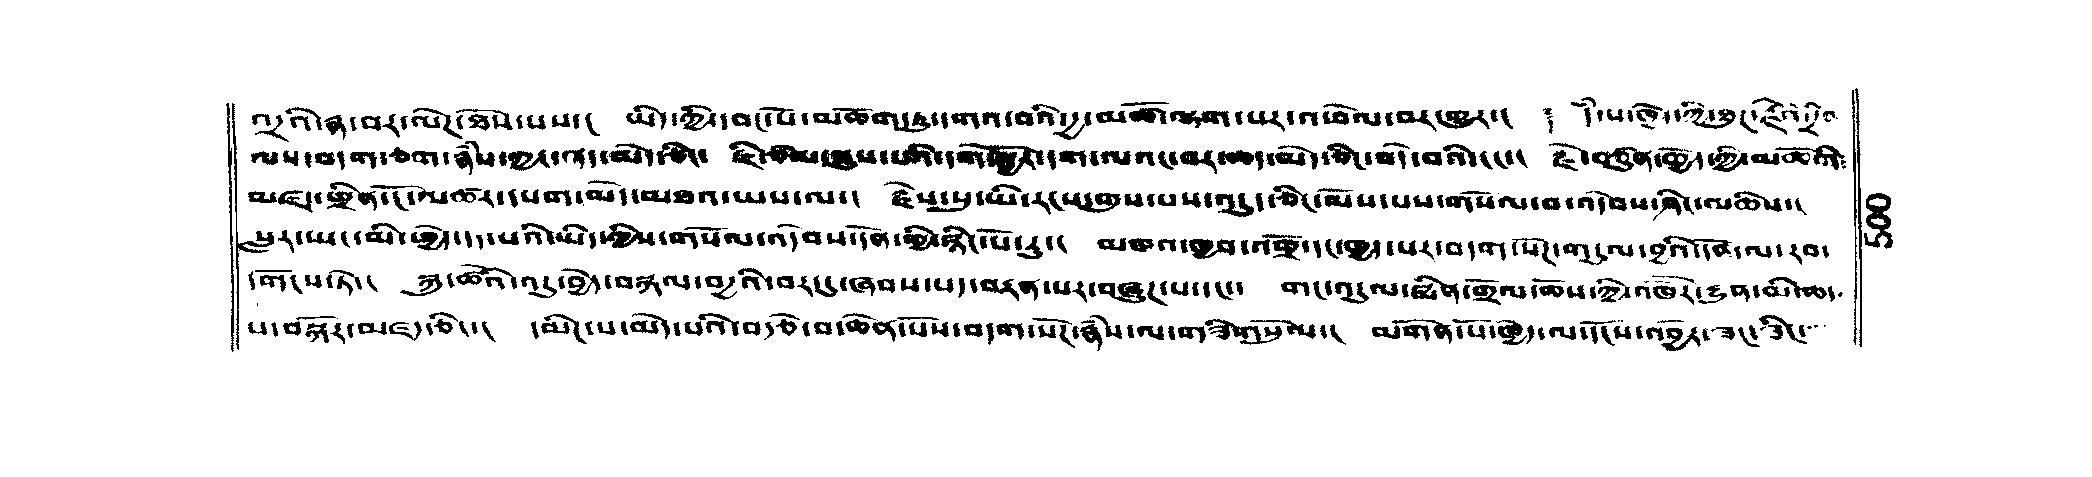འདྲའི་རྣ་བར་ལེགས་ཐོས་པས། །ཡིད་ཀྱི་དབང་པོ་མཆོག་ཏུ་དགའ་བའི་རྒྱ་མཚོ་ལྷག་པར་འཕེལ་བར་གྱུར། །དམ་པ་ཁྱེད་ཀྱི་ཐུགས་རྗེའི་དྲིན་
ལས་བདག་ཅག་རྣམས་ཀྱང་ནད་མེད་ཅིང་། །ཇི་ཙམ་ནུས་པའི་དགེ་སྦྱོར་དག་ལའང་བར་ཆད་མེད་ཅིང་བདེ་བའི་ངང་། །རྗེ་བཙུན་ཁྱོད་ཀྱི་མཆོག་གི་
མཛད་ཕྲིན་ངོ་མཚར་དཔག་མེད་མཐའ་ཡས་ལ། །རྗེས་སུ་ཡི་རངས་གུས་པས་འདུད་ཅིང་མོས་པས་གསོལ་བ་འདེབས་ཤིང་མཆིས། །
སླར་ཡང་མི་ཕྱེད་དད་པའི་ཡིད་ཀྱིས་གསོལ་འདེབས་དོན་གྱི་སྙིང་པོ་རུ། །མཁའ་ཁྱབ་འགྲོ་དང་ཁྱད་པར་བདག་སོགས་གདུལ་བྱའི་དོན་ལ་རབ་
དགོངས་ཏེ། །སྐུ་ཚེའི་འདུ་བྱེད་བསྐལ་བརྒྱའི་བར་དུ་ཞབས་པད་བརྟན་པར་བཞུགས་པ་དང་། །གང་འདུལ་སྨིན་གྲོལ་ཆོས་ཀྱི་འཁོར་ལོ་རྒྱུན་མི་ཆད་
པ་བསྐོར་མཛད་ཅིང་། །དམིགས་པ་མེད་པའི་བརྩེ་བ་ཆེན་པོས་བདག་སོགས་རྣམས་ལ་གཟིགས་སུ་གསོལ། །མགོན་པོ་ཁྱེད་ལ་དངོས་འབྱོར་ཟང་ཟིང་